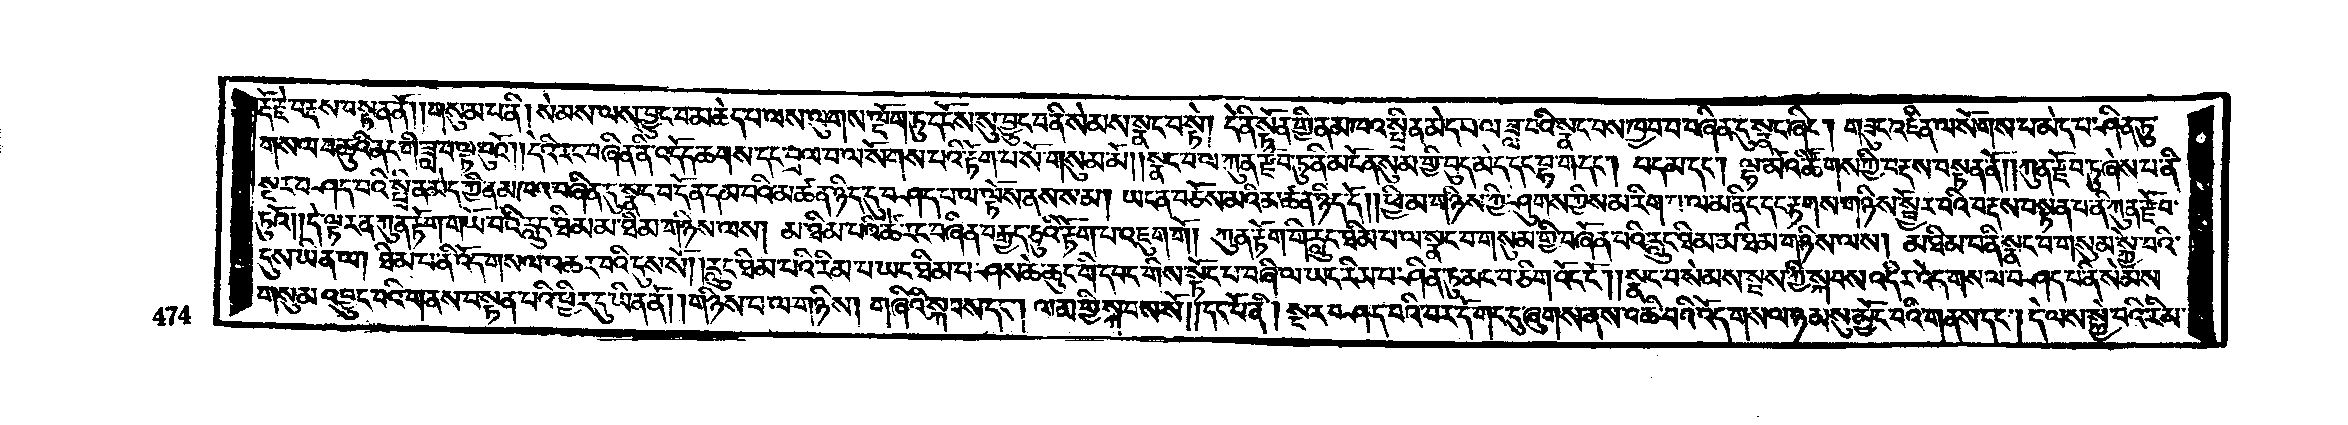རྡོ་རྗེ་བརྡས་བསྟན་ནོ། །གསུམ་པ་ནི། སེམས་ལས་བྱུང་བ་མཆེད་པ་ལས་ལུགས་ལྡོག་ཏུ་དངོས་སུ་བྱུང་བ་ནི་སེམས་སྣང་བ་སྟེ། དེ་ནི་སྟོན་གྱི་ནམ་མཁའ་སྤྲིན་མེད་པ་ལ་ཟླ་བའི་སྣང་བས་ཁྱབ་བ་བཞིན་དུ་སྣང་ཞིང་། གཟུང་འཛིན་ལ་སོགས་པ་མེད་པ་ཤིན་ཏུ་
གསལ་བ་ཆུའི་ནང་གི་ཟླ་བ་ལྟ་བུའོ། །དེའི་རང་བཞིན་ནི་འདོད་ཆགས་དང་བྲལ་བ་ལ་སོགས་པའི་རྟོག་པ་སོ་གསུམ་མོ། །སྣང་བ་ལ་ཀུན་རྫོབ་ཏུ་ནི་མངོན་སུམ་གྱི་བུད་མེད་དང་བྷ་ག་དང་། པད་མ་དང་། ལྷ་མོའི་ཚོགས་ཀྱི་བརྡས་བསྟན་ནོ། །ཀུན་རྫོབ་ཏུ་ཞེས་པ་ནི་
སྔར་བཤད་པའི་སྤྲིན་མེད་ཀྱི་ནམ་མཁའ་བཞིན་དུ་སྣང་བ་དོན་དམ་པའི་མཚན་ཉིད་དུ་བཤད་པ་ལ་ལྟོས་ནས་སམ། ཡང་ན་བཅོས་མའི་མཚན་ཉིད་དོ། །ཕྱི་མ་གཉིས་ཀྱི་ཤུགས་ཀྱིས་མ་རིག་པ་ལ་མ་ནིང་དང་རྟགས་གཉིས་སྦྱོར་བའི་བརྡས་བསྟན་པ་ནི་ཀུན་རྫོབ་
ཏུའོ། །དེ་ལྟར་ན་ཀུན་རྟོག་གཡོ་བའི་རླུང་ཐིམ་མ་ཐིམ་གཉིས་ལས། མ་ཐིམ་པའི་ཚེ་རང་བཞིན་བརྒྱད་ཅུའི་རྟོག་པ་འཇུག་གོ །ཀུན་རྟོག་གི་རླུང་ཐིམ་པ་ལ་སྣང་བ་གསུམ་གྱི་བཞོན་པའི་རླུང་ཐིམ་མ་ཐིམ་གཉིས་ལས། མ་ཐིམ་པ་ནི་སྣང་བ་གསུམ་སྐྱེ་བའི་
དུས་ཡིན་ལ། ཐིམ་པ་ནི་འོད་གསལ་འཆར་བའི་དུས་སོ། །རླུང་ཐིམ་པའི་རིམ་པ་ཡང་ཐིམ་པ་ཤས་ཆེ་ཆུང་གི་དབང་གིས་སྟོང་པ་བཞི་ལ་ཡང་རིམ་པ་ཤིན་ཏུ་མང་བ་ཅིག་འོང་ངོ། །སྣང་བ་སེམས་སྦས་ཀྱི་སྐབས་འདིར་འོད་གསལ་བཤད་པ་ནི་སེམས་
གསུམ་འབྱུང་བའི་གནས་བསྟན་པའི་ཕྱིར་དུ་ཡིན་ནོ། །གཉིས་པ་ལ་གཉིས། གཞིའི་སྐབས་དང་། ལམ་གྱི་སྐབས་སོ། །དང་པོ་ནི། སྔར་བཤད་པའི་བར་དོ་གང་དུ་ཞུགས་ནས་འཆི་བའི་འོད་གསལ་ཉམས་སུ་མྱོང་བའི་གནས་དང་། དེ་ལས་སྐྱེ་བའི་རིམ་